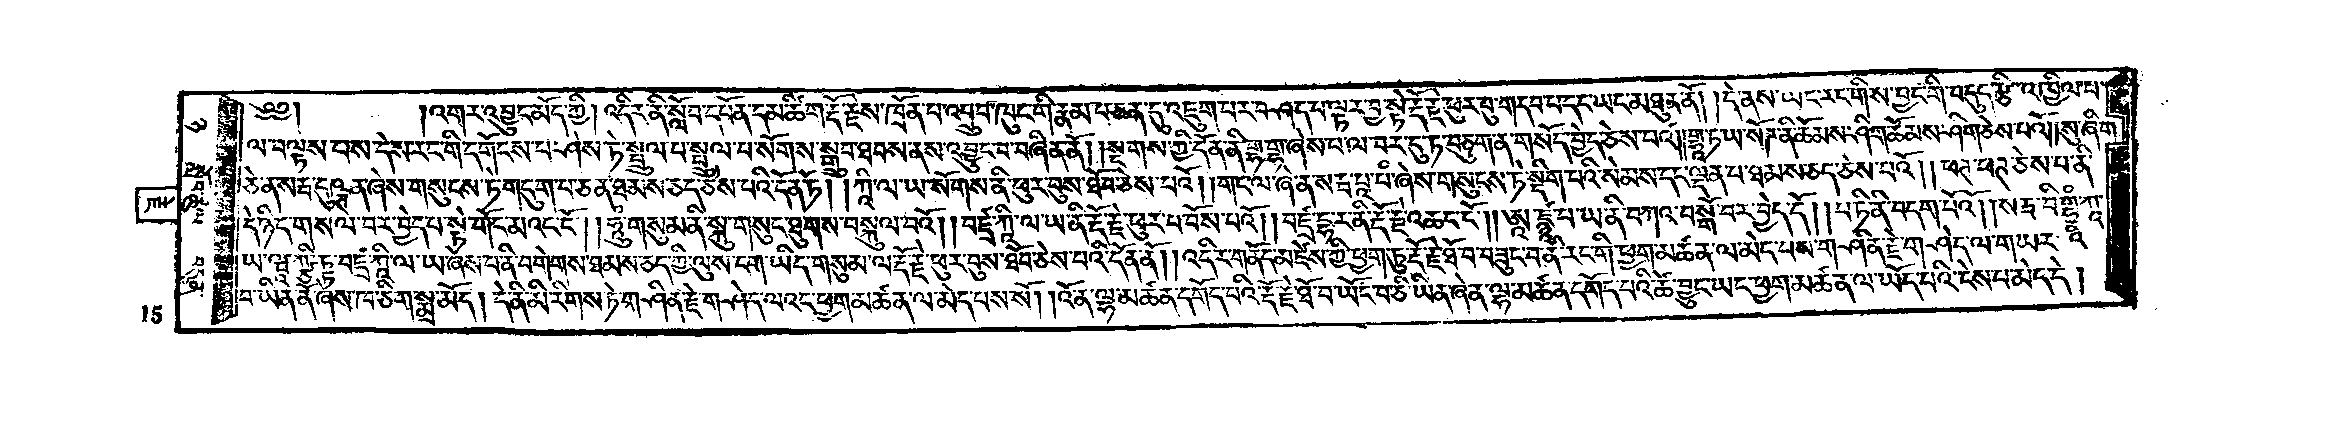༄༅། །འགར་འབྱུང་མོད་ཀྱི། འདིར་ནི་སློབ་དཔོན་དམ་ཚིག་རྡོ་རྗེས་ཁྲོན་པ་འབྲུབ་ཁུང་གི་རྣམ་པ་ཅན་དུ་འཇུག་པར་བཤད་པ་ལྟར་བྱ་སྟེ་རྡོ་རྗེ་ཕུར་བུ་གདབ་པ་དང་ཡང་མཐུན་ནོ། །དེ་ནས་ཡང་རང་གིས་བྱང་གི་བདུད་རྩི་འཁྱིལ་པ་
ལ་བལྟས་པས་དེས་རང་གི་དགོངས་པ་ཤེས་ཏེ་སྤྲུལ་པ་སྤྲུལ་པ་སོགས་སྒྲུབ་ཐབས་ནས་འབྱུང་བ་བཞིན་ནོ། །སྔགས་ཀྱི་དོན་ནི་གྷ་གྷ་ཞེས་པ་ལ་བར་དུ་ཏ་བཅུག་ན་གསོད་བྱེད་ཅེས་པའོ། །གྷཱ་ཏ་ཡ་སོགས་ནི་ཆོམས་ཤིག་ཆོམས་ཤིག་ཅེས་པའོ། །སུ་ཞིག་
ཅེ་ན་སརྦ་དུཥྚན་ཞེས་གསུངས་ཏེ་གདུག་པ་ཅན་ཐམས་ཅད་ཅེས་པའི་དོན་ཏོ། །ཀཱི་ལ་ཡ་སོགས་ནི་ཕུར་བུས་ཐོབ་ཅེས་པའོ། །གང་ལ་ཞེ་ན་སརྦ་པཱ་པཾ་ཞེས་གསུངས་ཏེ་སྡིག་པའི་སེམས་དང་ལྡན་པ་ཐམས་ཅད་ཅེས་པའོ། །ཕགས་ཕགས་ཅེས་པ་ནི་
དེ་ཉིད་གསལ་བར་བྱེད་པ་སྟེ་གོང་མའང་ངོ། །ཧཱུཾ་གསུམ་ནི་སྐུ་གསུང་ཐུགས་བསྐུལ་བའོ། །བཛྲ་ཀཱི་ལ་ཡ་ནི་རྡོ་རྗེ་ཕུར་པ་བོས་པའོ། །བཛྲ་དྷ་ར་ནི་རྡོ་རྗེ་འཆང་ངོ། །ཨཱ་ཛྙཱ་པ་ཡ་ནི་བཀའ་བསྒོ་བར་བྱེད་དོ། །པ་ཏི་ནི་བདག་པོའོ། །སརྦ་བི་གྷནའཾ་ཀཱ་
ཡ་ཝཱ་ཀྩི་ཏྟ་བཛྲ་ཀཱི་ལ་ཡ་ཞེས་པ་ནི་བགེགས་ཐམས་ཅད་ཀྱི་ལུས་ངག་ཡིད་གསུམ་ལ་རྡོ་རྗེ་ཕུར་བུས་ཐོབ་ཅེས་པའི་དོན་ནོ། །འདིར་གནོད་མཛེས་ཀྱི་ཕྱག་ཏུ་རྡོ་རྗེ་ཐོ་བ་བཟུང་བ་ནི་རང་གི་ཕྱག་མཚན་ལ་མེད་པས་གཤིན་རྗེ་གཤེད་ལ་གཡར་
བ་ཡིན་ནོ་ཞེས་ཁ་ཅིག་སྨྲ་མོད། དེ་ནི་མི་རིགས་ཏེ་གཤིན་རྗེ་གཤེད་ལའང་ཕྱག་མཚན་ལ་མེད་པས་སོ། །འོ་ན་ལྷ་མཚན་དགོད་པའི་རྡོ་རྗེ་ཐོ་བ་ཡོང་བ་ཅི་ཡིན་ཞེ་ན་ལྷ་མཚན་དགོད་པའི་ཚེ་བྱུང་ཡང་ཕྱག་མཚན་ལ་ཡོད་པའི་ངེས་པ་མེད་དེ།